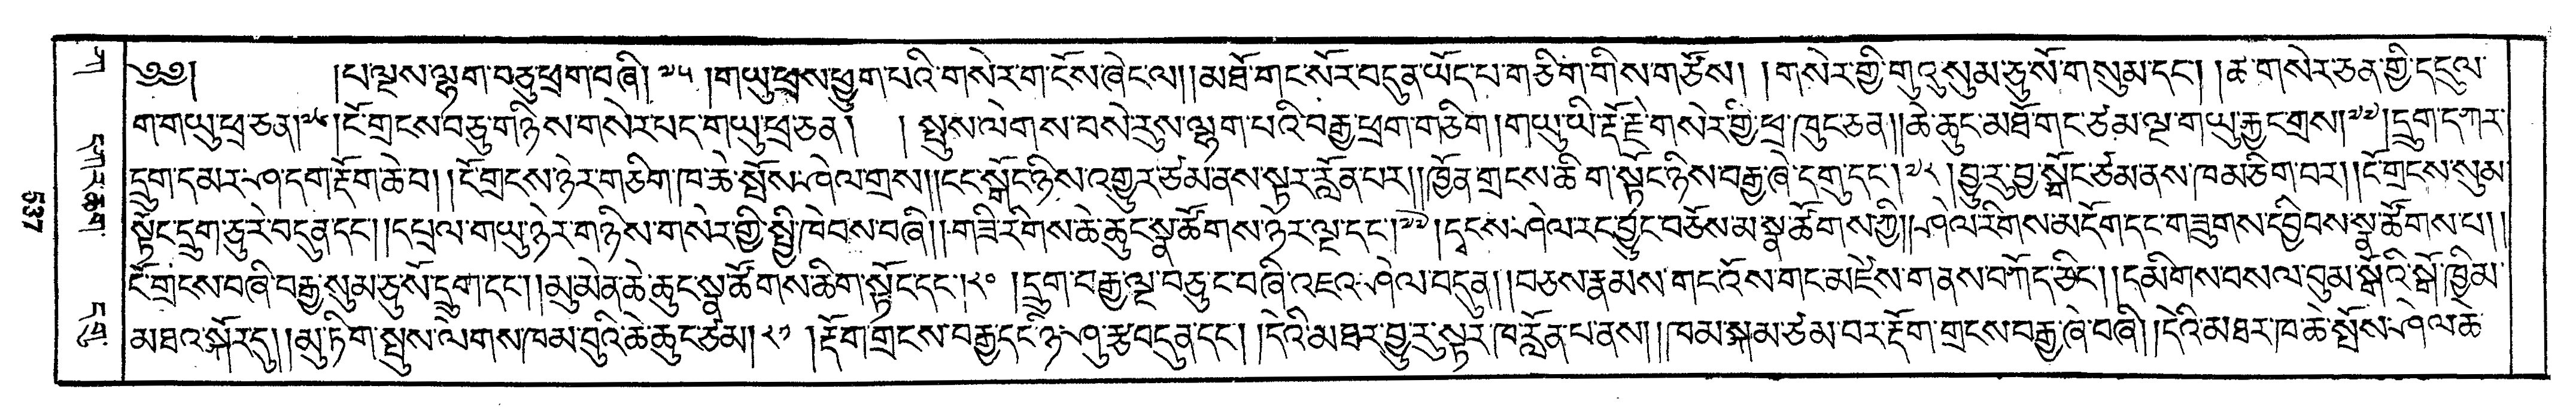༄༅། །པ་ལྔས་ལྷག་བཅུ་ཕྲག་བཞི། ༧༥་།གཡུ་ཕྲས་ཕྱུག་པའི་གསེར་ག་ངོས་ཞེང་ལ། །མཐོ་གང་སོར་བདུན་ཡོད་པ་གཅིག་གིས་གཙོས། །གསེར་གྱི་གའུ་སུམ་ཅུ་སོ་གསུམ་དང་། །ཚ་གསེར་ཅན་གྱི་དངུལ་
ག་གཡུ་ཕྲ་ཅན། ༧༦་།ངོ་གྲངས་བཅུ་གཉིས་གསེར་པད་གཡུ་ཕྲ་ཅན། །སྤུས་ལེགས་བསེ་རུས་ལྷག་པའི་བརྒྱ་ཕྲག་གཅིག །གཡུ་ཡི་རྡོ་རྗེ་གསེར་གྱི་ཕྲ་ཁུང་ཅན། །ཆེ་ཆུང་མཐོ་གང་ཙམ་ལྔ་གཡུ་རྐྱར་གྲས། ༧༧་།དྲུག་དཀར་
དྲུག་དམར་ཤ་དག་རྡོག་ཆེ་བ། །ངོ་གྲངས་ཉེར་གཅིག་ཁ་ཆེ་སྤོས་ཤེལ་གྲས། །ངང་སྒོང་ཉིས་འགྱུར་ཙམ་ནས་སྟར་རློན་པར། །ཁྱོན་གྲངས་ཆིག་སྟོང་ཉིས་བརྒྱ་ཞེ་དགུ་དང་། ༧༨་།བྱུ་རུ་བྱ་སྒོང་ཙམ་ནས་ཁམ་ཅིག་བར། །ངོ་གྲངས་སུམ་
སྟོང་དྲུག་ཅུ་རེ་བདུན་དང་། །དཔྲལ་གཡུ་ཉིར་གཉིས་གསེར་གྱི་སྤྱི་ཁེབས་བཞི། །གཞི་རིགས་ཆེ་ཆུང་སྣ་ཚོགས་ཉེར་ལྔ་དང་། ༧༧་།དྭངས་ཤེལ་རང་བྱུང་བཅོས་མ་སྣ་ཚོགས་ཀྱི། །ཤེལ་རིགས་མདོག་དང་གཟུགས་དབྱིབས་སྣ་ཚོགས་པ། །
ངོ་གྲངས་བཞི་བརྒྱ་སུམ་ཅུ་སོ་དྲུག་དང་། །མུ་མེན་ཆེ་ཆུང་སྣ་ཚོགས་ཆིག་སྟོང་དང་། ༨༠་།དྲུག་བརྒྱ་ལྔ་བཅུ་ང་བཞི་འཇའ་ཤེལ་བདུན། །བཅས་རྣམས་གང་འོས་གང་མཛེས་གནས་བཀོད་ཅིང་། །དམིགས་བསལ་བུམ་སྒོའི་སྒོ་ཁྱིམ་
མཐའ་སྐོར་དུ། །མུ་ཏིག་སྤུས་ལེགས་ཁམ་བུའི་ཆེ་ཆུང་ཙམ། ༨༡་།རྡོག་གྲངས་བརྒྱ་དང་ཉི་ཤུ་རྩ་བདུན་དང་། །དེའི་མཐར་བྱུ་རུ་སྟར་ཁ་རློན་པ་ནས། །ཁམ་སྐམ་ཙམ་པར་རྡོག་གྲངས་བརྒྱ་ཞེ་བཞི། །དེའི་མཐར་ཁ་ཆེ་སྤོས་ཤེལ་ཆེ་